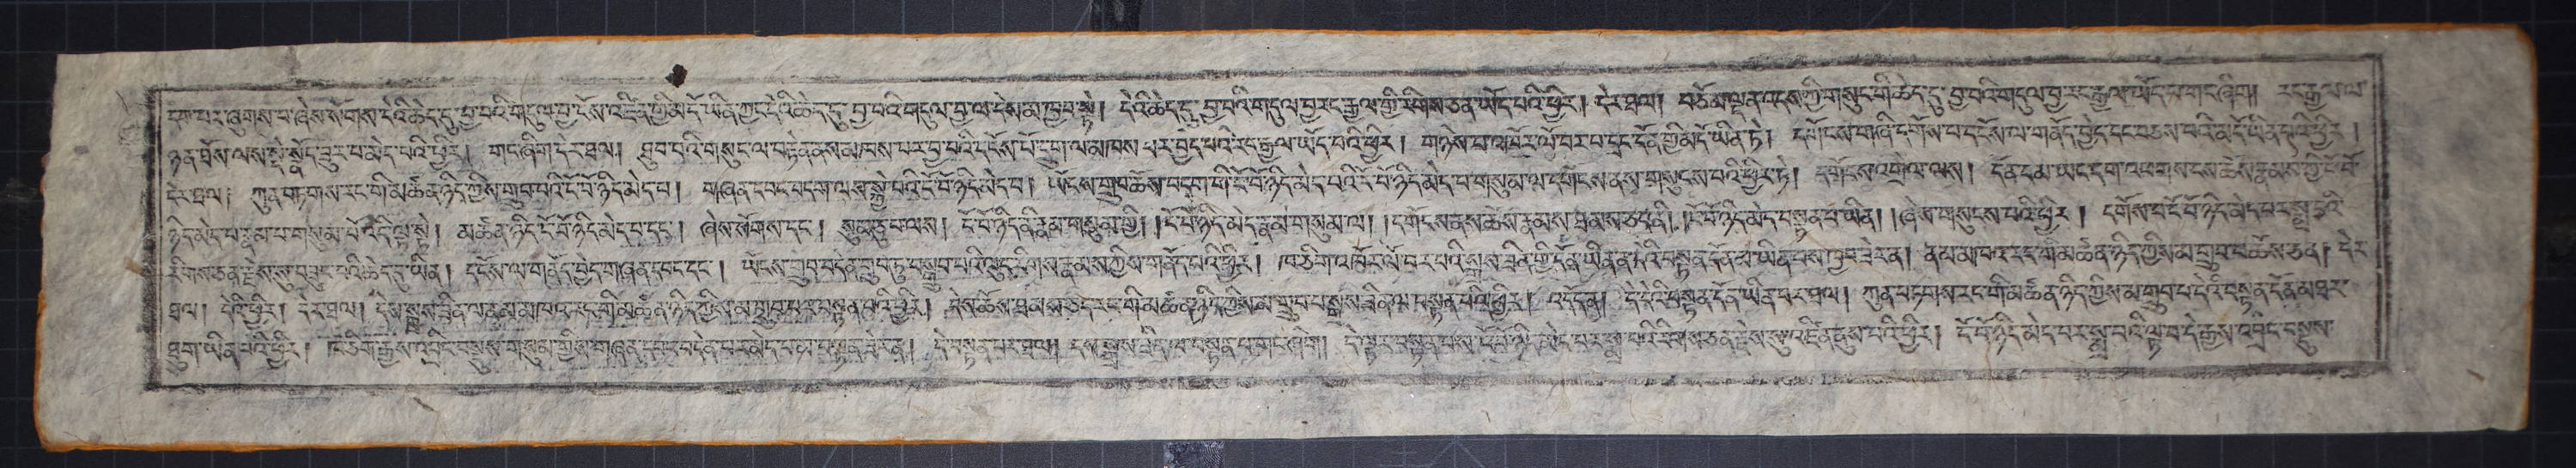དག་པར་ཞུགས་པ་ཞེས་སོགས་དེའི་ཆེད་དུ་བྱ་བའི་གདུལ་བྱ་ངོས་འཛིན་གྱི་མདོ་ཡིན་ཀྱང་དེའི་ཆེད་དུ་བྱ་བའི་གདུལ་བྱ་ལ་དེས་མ་ཁྱབ་སྟེ། དེའི་ཆེད་དུ་བྱ་བའི་གདུལ་བྱ་རང་རྒྱལ་གྱི་རིགས་ཅན་ཡོད་པའི་ཕྱིར། དེར་ཐལ། བཅོམ་ལྡན་འདས་ཀྱི་གསུང་གི་ཆེད་དུ་བྱ་བའི་གདུལ་བྱ་རང་རྒྱལ་ཡོད་པ་གང་ཞིག །རང་རྒྱལ་ལ་
ཉན་ཐོས་ལས་སྡེ་སྣོད་ཟུར་པ་མེད་པའི་ཕྱིར། གང་ཞིག་དེར་ཐལ། ཐུབ་བའི་གསུང་ལ་བརྟེན་ནས་མཁས་པར་བྱ་བའི་དངོས་པོ་དྲུག་ལ་མཁས་པར་བྱེད་པའི་རང་རྒྱལ་ཡོད་པའི་ཕྱིར། གཉིས་པ་འཁོར་ལོ་བར་པ་དྲང་དོན་གྱི་མདོ་ཡིན་ཏེ། དགོངས་གཞི་དགོས་པ་དངོས་ལ་གནོད་བྱེད་དང་བཅས་པའི་མདོ་ཡིན་པའི་ཕྱིར།
དེར་ཐལ། ཀུན་བཏགས་རང་གི་མཚན་ཉིད་ཀྱིས་གྲུབ་པའི་ངོ་བོ་ཉིད་མེད་པ། གཞན་དབང་བདག་ལས་སྐྱེ་བའི་ངོ་བོ་ཉིད་མེད་པ། ཡོངས་གྲུབ་ཆོས་བདག་གི་ངོ་བོ་ཉིད་མེད་པའི་ངོ་བོ་ཉིད་མེད་པ་གསུམ་ལ་དགོངས་ནས་གསུངས་པའི་ཕྱིར་ཏེ། དགོངས་འགྲེལ་ལས། དོན་དམ་ཡང་དག་འཕགས་ངས་ཆོས་རྣམས་ཀྱི་ངོ་བོ་
ཉིད་མེད་པ་རྣམ་པ་གསུམ་པོ་འདི་ལྟ་སྟེ། མཚན་ཉིད་ངོ་བོ་ཉིད་མེད་པ་དང་། ཞེས་སོགས་དང་། སུམ་ཅུ་པ་ལས། ངོ་བོ་ཉིད་ནི་རྣམ་གསུམ་གྱི། །ངོ་བོ་ཉིད་མེད་རྣམ་གསུམ་ལ། །དགོངས་ནས་ཆོས་རྣམས་ཐམས་ཅད་ནི། །ངོ་བོ་ཉིད་མེད་བསྟན་པ་ཡིན། །ཞེས་གསུངས་པའི་ཕྱིར། དགོས་པ་ངོ་བོ་ཉིད་མེད་པར་སྨྲ་བའི་
རིགས་ཅན་རྗེས་སུ་བཟུང་བའི་ཆེད་དུ་ཡིན། དངོས་ལ་གནོད་བྱེད་གཞན་དབང་དང་། ཡོངས་གྲུབ་བདེན་གྲུབ་ཏུ་བསྒྲུབ་པའི་ལུང་རིགས་རྣམས་ཀྱིས་གནོད་པའི་ཕྱིར། ཁ་ཅིག་འཁོར་ལོ་བར་པའི་སྒྲས་ཟིན་གྱི་དོན་ཡིན་ན་དེའི་བསྟན་དོན་མ་ཡིན་པས་ཁྱབ་ཟེར་ན། ནམ་མཁའ་རང་གི་མཚན་ཉིད་ཀྱིས་མ་གྲུབ་པ་ཆོས་ཅན། དེར་
ཐལ། དེའི་ཕྱིར། དེར་ཐལ། དེས་སྒྲས་ཟིན་ལ་ནམ་མཁའ་རང་གི་མཚན་ཉིད་ཀྱིས་མ་གྲུབ་པར་བསྟན་པའི་ཕྱིར། དེས་ཆོས་ཐམས་ཅད་རང་གི་མཚན་ཉིད་ཀྱིས་མ་གྲུབ་པ་སྒྲས་ཟིན་ལ་བསྟན་པའི་ཕྱིར། འདོད་ན། དེ་དེའི་བསྟན་དོན་ཡིན་པར་ཐལ། ཀུན་བཏགས་རང་གི་མཚན་ཉིད་ཀྱིས་མ་གྲུབ་པ་དེའི་བསྟན་དོན་མཐར་
ཐུག་ཡིན་པའི་ཕྱིར། ཁ་ཅིག་རྒྱས་འབྲིང་བསྡུས་གསུམ་གྱིས་གཞན་དབང་བདེན་པར་མེད་པ་མ་བསྟན་ཟེར་ན། དེ་བསྟན་པར་ཐལ། དེས་སྒྲས་ཟིན་ལ་བསྟན་པ་གང་ཞིག །དེ་ལྟར་བསྟན་པས་ངོ་བོ་ཉིད་མེད་པར་སྨྲ་བའི་རིགས་ཅན་རྗེས་སུ་འཛིན་ནུས་པའི་ཕྱིར། ངོ་བོ་ཉིད་མེད་པར་སྨྲ་བའི་ལྟ་བ་དེ་རྒྱས་འབྲིང་བསྡུས་